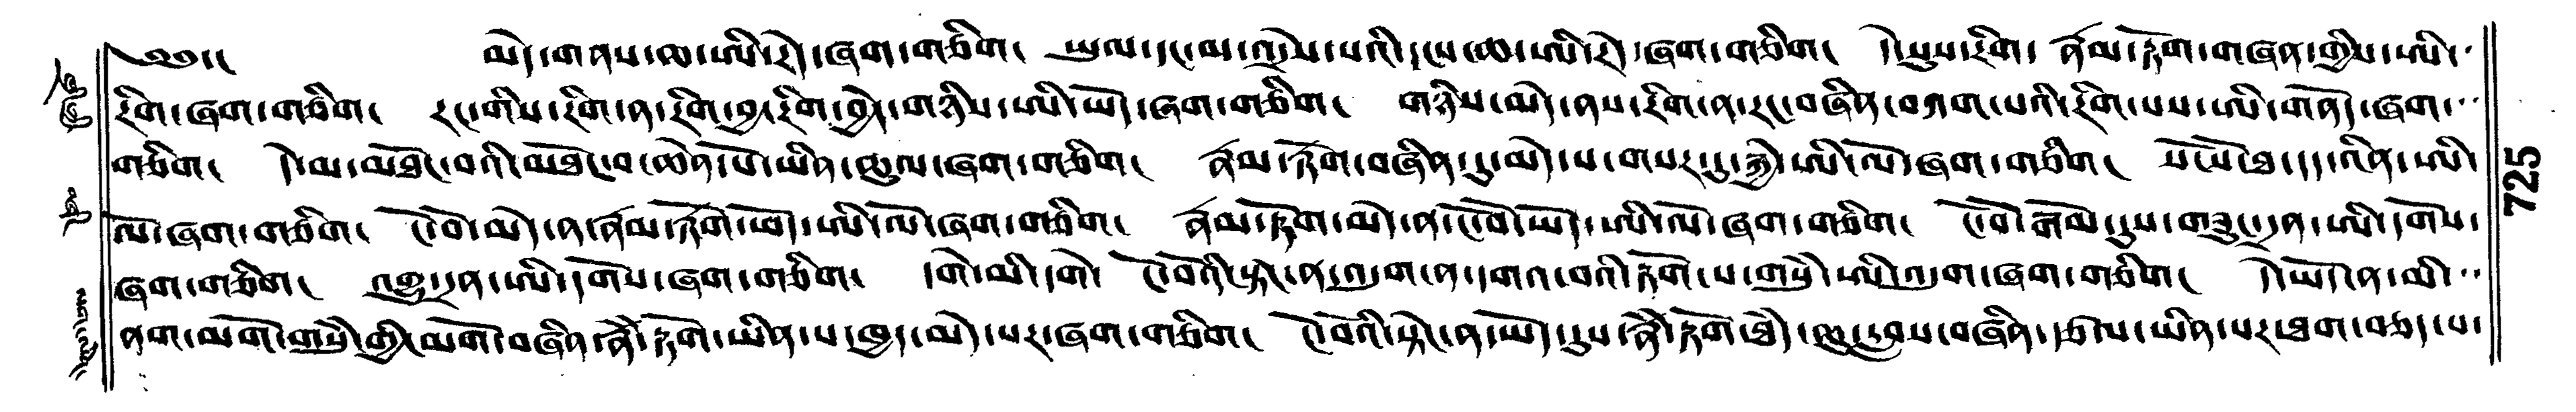མེད་གནས་ཆ་ཨི་རེད་ཞག་གཅིག ཡུལ་དང་མ་འདྲེས་པའི་དྭངས་ཆ་ཨི་རེད་ཞག་གཅིག དེ་སུས་རིག་རྣམ་རྟོག་གཞན་གྱིས་ཨི་
རིག་ཞག་གཅིག རང་གི་རིག་ན་རིག་བྱ་རིག་བྱེད་གཉིས་ཨི་ཡོད་ཞག་གཅིག གཉིས་མེད་ནས་རིག་ན་རང་བཞིན་ (བཀག་ ? )འགོག་པའི་རིགས་པས་ཨི་གནོད་ཞག་
གཅིག དེ་མ་མཐོང་བའི་མཐོང་བ་ཆེན་པོ་ཡིན་ཆུལ་ཞག་གཅིག རྣམ་རྟོག་བཞིན་དུ་མེད་པ་གསར་དུ་སྐྱེ་ཨི་ལོ་ཞག་གཅིག སོ་སོ་ཐ་དད་འཛིན་ཨི་
ལོ་ཞག་གཅིག ངོ་བོ་མེད་ན་རྣམ་རྟོག་ཕོད་ཨི་ལོ་ཞག་གཅིག རྣམ་རྟོག་མེད་ན་ངོ་བོ་ཡོད་ཨི་ལོ་ཞག་གཅིག ངོ་བོ་སྒོམ་དུས་གཟུང་དྲན་ཨི་དགོས་ཞག་གཅིག འགྱུ་དྲན་ཨི་དགོས་
ཞག་གཅིག དགེ་མི་དགེ་ངོ་བོའི་སྟེང་ན་འདུག་ན་ ( དགའ་ ? ) དགེ་བའི་རྟོག་པ་གསུམ་ཨི་འདུག་ཞག་གཅིག དེ་ཡོད་ན་མི་
ནག་མགོ་གསུམ་གྱི་མགོ་བཞིན་རྣམ་རྟོག་ཡིན་པ་ཁྱད་མེད་པར་ཞག་གཅིག ངོ་བོའི་སྟེང་ན་ཡོད་དུས་རྣམ་རྟོག་ཐམས་ཅད་ཆུའི་རླབས་བཞིན་རྩལ་ཡིན་པར་ཐག་བཅད་པ་